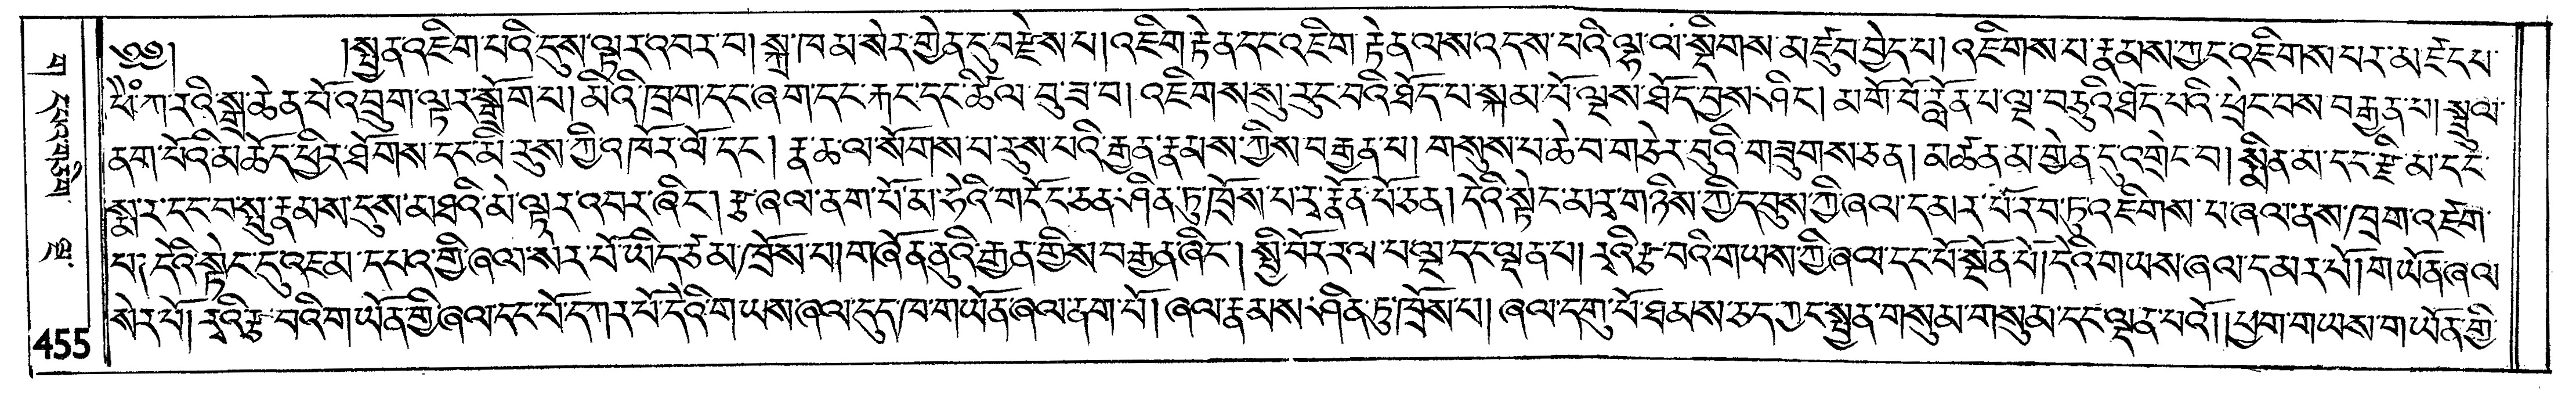༄༅། །སྤྱན་འཇིག་པའི་དུས་ལྟར་འབར་བ། སྐྲ་ཁམ་སེར་གྱེན་དུ་བརྫེས་པ། འཇིག་རྟེན་དང་འཇིག་རྟེན་ལས་འདས་པའི་ལྷ་ལ་སྡིགས་མཛུབ་བྱེད་པ། འཇིགས་པ་རྣམས་ཀྱང་འཇིགས་པར་མཛད་པ་
ཕཻཾ་ཀ་རའི་སྒྲ་ཆེན་པོ་འབྲུག་ལྟར་སྒྲོག་པ། མིའི་ཁྲག་དང་ཞག་དང་རྐང་དང་ཚིལ་བུ་ཟ་བ། འཇིགས་སུ་རུང་བའི་ཐོད་པ་སྐམ་པོ་ལྔས་ཐོད་བྱས་ཤིང་། མགོ་བོ་རློན་པ་ལྔ་བཅུའི་ཐོད་པའི་ཕྲེང་བས་བརྒྱན་པ། སྦྲུལ་
ནག་པོའི་མཆོད་ཕྱིར་ཐོགས་དང་མི་རུས་ཀྱི་འཁོར་ལོ་དང་། རྣ་ཆ་ལ་སོགས་པ་རུས་པའི་རྒྱན་རྣམས་ཀྱིས་བརྒྱན་པ། གསུས་པ་ཆེ་བ་གཅེར་བུའི་གཟུགས་ཅན། མཚན་མ་གྱེན་དུ་འགྲེང་བ། སྨིན་མ་དང་རྫི་མ་དང་
སྨ་ར་དང་བ་སྤུ་རྣམས་དུས་མཐའི་མེ་ལྟར་འབར་ཞིང་། རྩ་ཞལ་ནག་པོ་མ་ཧེའི་གདོང་ཅན་ཤིན་ཏུ་ཁྲོས་པ་རྭ་རྣོན་པོ་ཅན། དེའི་སྟེང་མ་རྭ་གཉིས་ཀྱི་དབུས་ཀྱི་ཞལ་དམར་པོ་རབ་ཏུ་འཇིགས་པ་ཞལ་ནས་ཁྲག་འཛག་
པ༑ དེའི་སྟེང་དུ་འཇམ་དཔའ་གྱི་ཞལ་སེར་པོ་ཡིད་ཙམ་ཁྲོས་པ། གཞོན་ནུའི་རྒྱན་གྱིས་བརྒྱན་ཞིང་། སྤྱི་བོར་རལ་པ་ལྔ་དང་ལྡན་པ། རྭའི་རྩ་བའི་གཡས་ཀྱི་ཞལ་དང་པོ་སྔོན་པོ། དེའི་གཡས་ཞལ་དམར་པོ། གཡོན་ཞལ་
སེར་པོ། རྭའི་རྩ་བའི་གཡོན་གྱི་ཞལ་དང་པོ་དཀར་པོ་དེའི་གཡས་ཞལ་དུད་ཁ་གཡོན་ཞལ་ནག་པོ། ཞལ་རྣམས་ཤིན་ཏུ་ཁྲོས་པ། ཞལ་དགུ་པོ་ཐམས་ཅད་ཀྱང་སྤྱན་གསུམ་གསུམ་དང་ལྡན་པའོ། །ཕྱག་གཡས་གཡོན་གྱི་